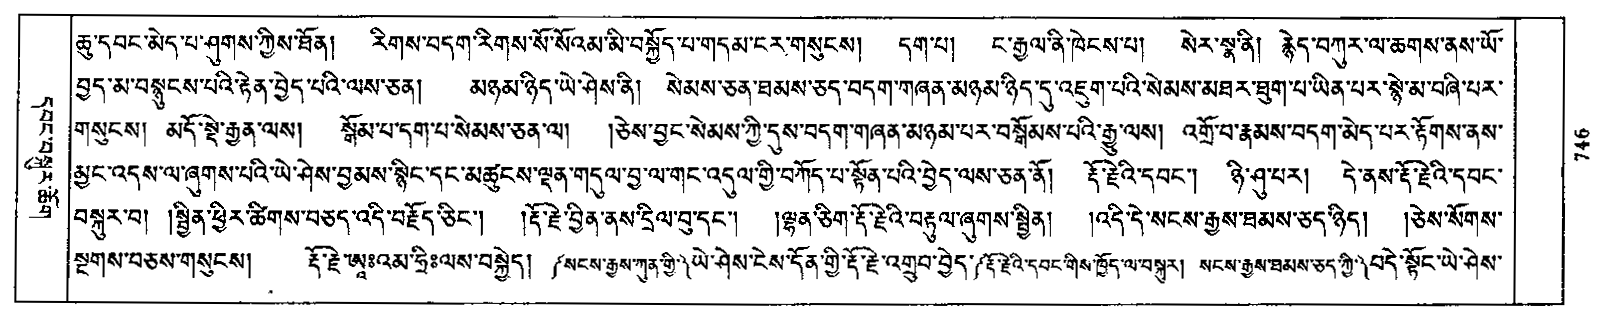ཆུ་དབང་མེད་པ་ཤུགས་ཀྱིས་ཐོན། རིགས་བདག་རིགས་སོ་སོའམ་མི་བསྐྱོད་པ་གདམ་ངར་གསུངས། དག་པ། ང་རྒྱལ་ནི་ཁེངས་པ། སེར་སྣ་ནི། རྙེད་བཀུར་ལ་ཆགས་ནས་ཡོ་
བྱད་མ་བསྙུངས་པའི་རྟེན་བྱེད་པའི་ལས་ཅན། མཉམ་ཉིད་ཡེ་ཤེས་ནི། སེམས་ཅན་ཐམས་ཅད་བདག་གཞན་མཉམ་ཉིད་དུ་འཇུག་པའི་སེམས་མཐར་ཐུག་པ་ཡིན་པར་སྙེ་མ་བཞི་པར་
གསུངས། མདོ་སྡེ་རྒྱན་ལས། སྒོམ་པ་དག་པ་སེམས་ཅན་ལ། །ཅེས་བྱང་སེམས་ཀྱི་དུས་བདག་གཞན་མཉམ་པར་བསྒོམས་པའི་རྒྱུ་ལས། འགྲོ་བ་རྣམས་བདག་མེད་པར་རྟོགས་ནས་
མྱང་འདས་ལ་ཞུགས་པའི་ཡེ་ཤེས་བྱམས་སྙིང་དང་མཚུངས་ལྡན་གདུལ་བྱ་ལ་གང་འདུལ་གྱི་བཀོད་པ་སྟོན་པའི་བྱེད་ལས་ཅན་ནོ། རྡོ་རྗེའི་དབང་། ཉི་ཤུ་པར། དེ་ནས་རྡོ་རྗེའི་དབང་
བསྐུར་བ། །སྦྱིན་ཕྱིར་ཚིགས་བཅད་འདི་བརྗོད་ཅིང་། །རྡོ་རྗེ་བྱིན་ནས་དྲིལ་བུ་དང་། །ལྷན་ཅིག་རྡོ་རྗེའི་བརྟུལ་ཞུགས་སྦྱིན། །འདི་དེ་སངས་རྒྱས་ཐམས་ཅད་ཉིད། །ཅེས་སོགས་
སྔགས་བཅས་གསུངས། རྡོ་རྗེ་ཨཱཿ འམ་ཧྲིཿ ལས་བསྐྱེད། ༼སངས་རྒྱས་ཀུན་གྱ྄ི་ཡེ་ཤེས་ངེས་དོན་གྱི་རྡོ་རྗེ་འགྲུབ་བྱེད་༽རྡོ་རྗེའི་དབང་གིས་ཁྱོད་ལ་བསྐུར། སངས་རྒྱས་ཐམས་ཅད་ཀྱ྄ི་བདེ་སྟོང་ཡེ་ཤེས་